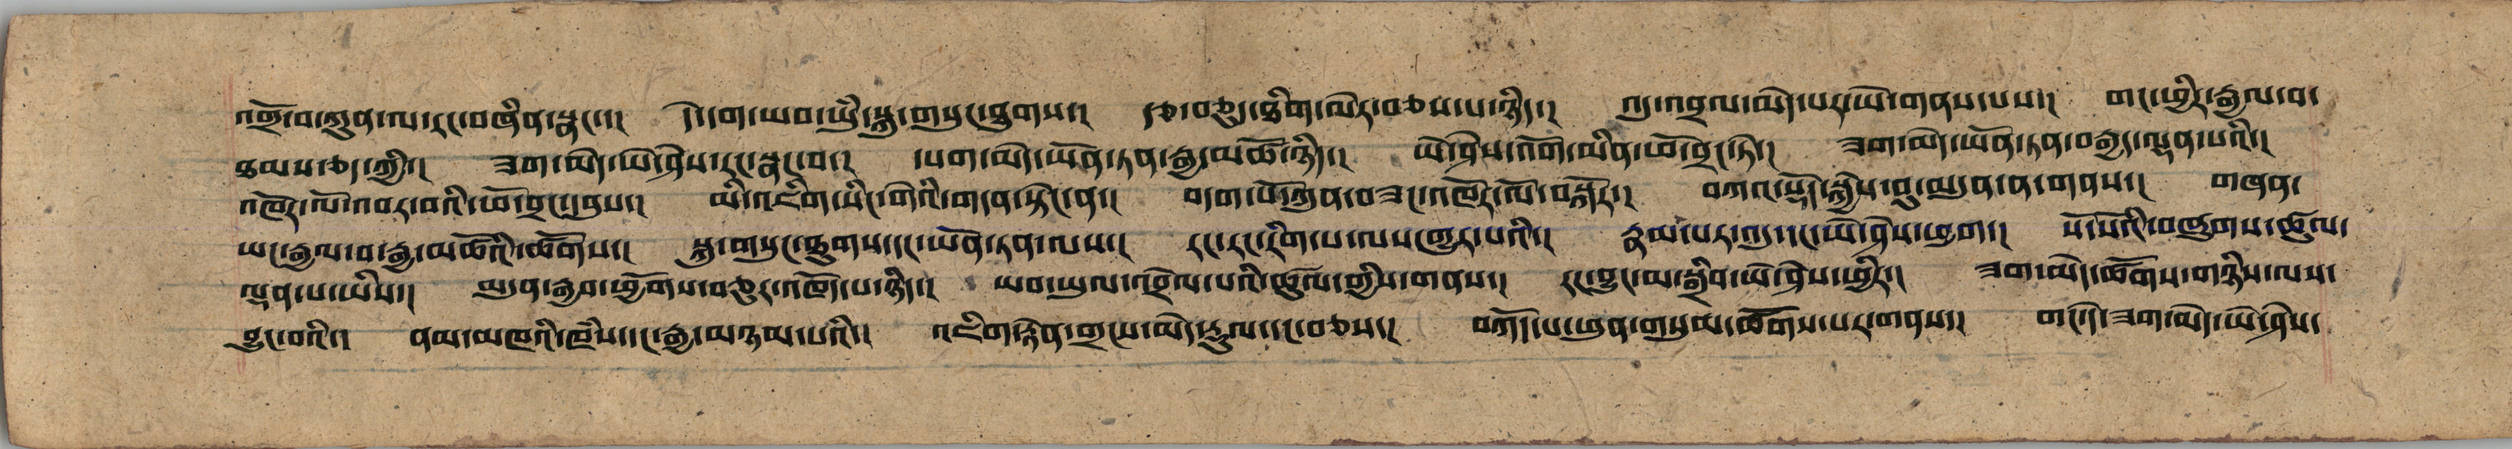འགྲོ་བ་ཀུན་ལ་རང་བཞིན་སྣང་་། དེ་དག་ཡབ་ཡུཾ་སྐུ་གསུང་ཐུགས་། རྩ་བཅུད་ཐིག་ལེར་བཅས་པ་ཉིད་། འདུ་འབྲལ་མེད་པར་ཡེ་གནས་པས་། གང་ཕྱིར་རྒྱལ་བ་
ཐམས་ཅད་ཀྱི་། ཟག་མེད་ཡེ་ཤེས་རང་སྣང་པ་། དཔག་མེད་ཡོན་ཏན་རྒྱ་མཚོ་ཉིད་། ཡེ་ཤེས་འོག་མིན་ཕོ་བྲང་ཏེ་། ཟག་མེད་ཡོན་ཏན་བརྒྱད་ལྡན་པའི་།
འཁོར་ལོ་འབར་བའི་ཕོ་བྲང་དབུས་། མི་འཇིག་སིང་གེའི་གདན་སྟེང་ན་། བདག་པོ་ཀུན་བཟང་འཁོར་ལོ་བསྐོར་། བཀའ་སྡདོ་སྐྱེས་བུ་མདུན་ན་གནས་། གཞན་
ཡང་རྒྱལ་བ་རྒྱ་མཚོའི་ཚོགས་། སྐུ་གསུང་ཐུགས་དང་ཡོན་ཏན་ལས་། རང་རང་རིག་པ་ལས་གྱུར་པའི་། རྣམ་པར་འདུ་དང་ཡེ་ཤེས་ཕྱག་། སོ་སོའི་བཞུགས་ཚུལ་
ལྡན་པ་ཡིས་། མདུན་རྒྱབ་ཕྱོགས་བཅུར་འཁོད་པ་ཉིད་། ཡབ་ཡུལ་འབྲེལ་པའི་ཚུལ་གྱིས་གནས་། རང་བྱུང་མ་སྒྲིབ་ཡེ་ཤེས་ཕྱིར་། ཟག་མེད་ཚོགས་གཉིས་ལས་
བྱུང་བའི་། ནམ་མཁའི་ཁཾས་དང་རྒྱ་མཉམ་པའི་། འཇིག་རྟེན་གྲངས་མེད་རྡུལ་དང་བཅས་། བཀོད་པ་ཕུན་གསུམ་ཚོགས་པར་གནས་། གང་དེ་ཟག་མེད་ཡེ་ཤེས་